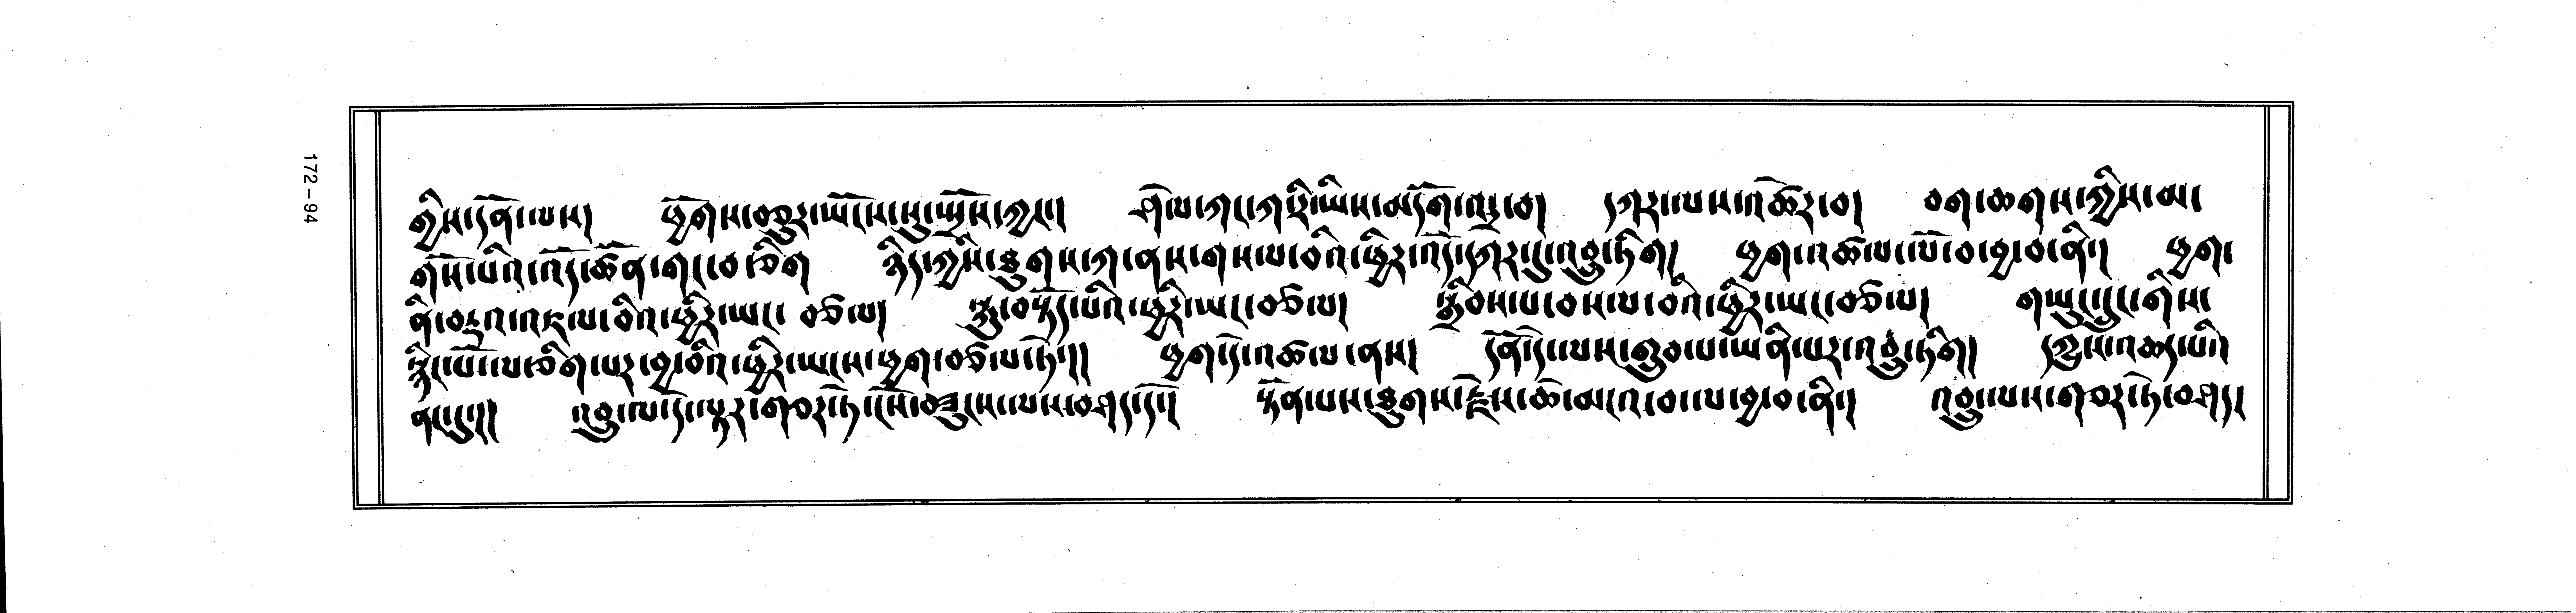གྱིས་དོན་ལས། ཕྱོགས་བཅུར་ཡོངས་སུ་སྤྲོས་ཀྱང་། ཤེལ་ཀང་ཀ་རི་ཡིས་མདོག་འདྲ་བ། དཀར་ལས་འཚེར་བ། བག་ཆགས་ཀྱིས་མ་
གོས་པའི་འོད་ཚོན་གང་བ་ཅིག ཉིད་ཀྱིས་ཐུགས་ཀ་ནས་གསལ་བའི་ཕྱིར་འོད་དཀར་དུ་འབྲུ་ཏིག ཕྱག་འཚལ་ལོ་བ་བྱ་བ་ནི། ཕྱག་
ནི་བརྡའ་འཇལ་བའི་ཕྱིར་ཡང་བཙལ། སྐུ་བསྟོད་པའི་ཕྱིར་ཡང་བཙལ། སྒྲིབས་པ་བསལ་བའི་ཕྱིར་ཡང་བཙལ། གཡུང་དྲུང་གིས་
སྙིང་པོ་ལ་ཅིག་པར་བྱའི་ཕྱིར་ཡང་ཕྱག་བཙལ་ཏེ། ཕྱག་དེ་འཚལ་ནས། དོན་དེ་ལས་གྲུབ་པ་ཡིན་པར་འབྲུ་ཏིག དཀྱུས་འཆད་པའི་
ནང་དུ། འབྲུ་ལ་དེ་ལྟར་གཅར་ཏེ་ངོས་བཟུངས་ལས་བཤད་དོ། སྟོན་པས་ཐུགས་རྗེས་ཆེ་མངའ་བ་ལ་བྱ་བ་ནི། འབྲུ་ལས་གཅར་ཏེ་བཤད་